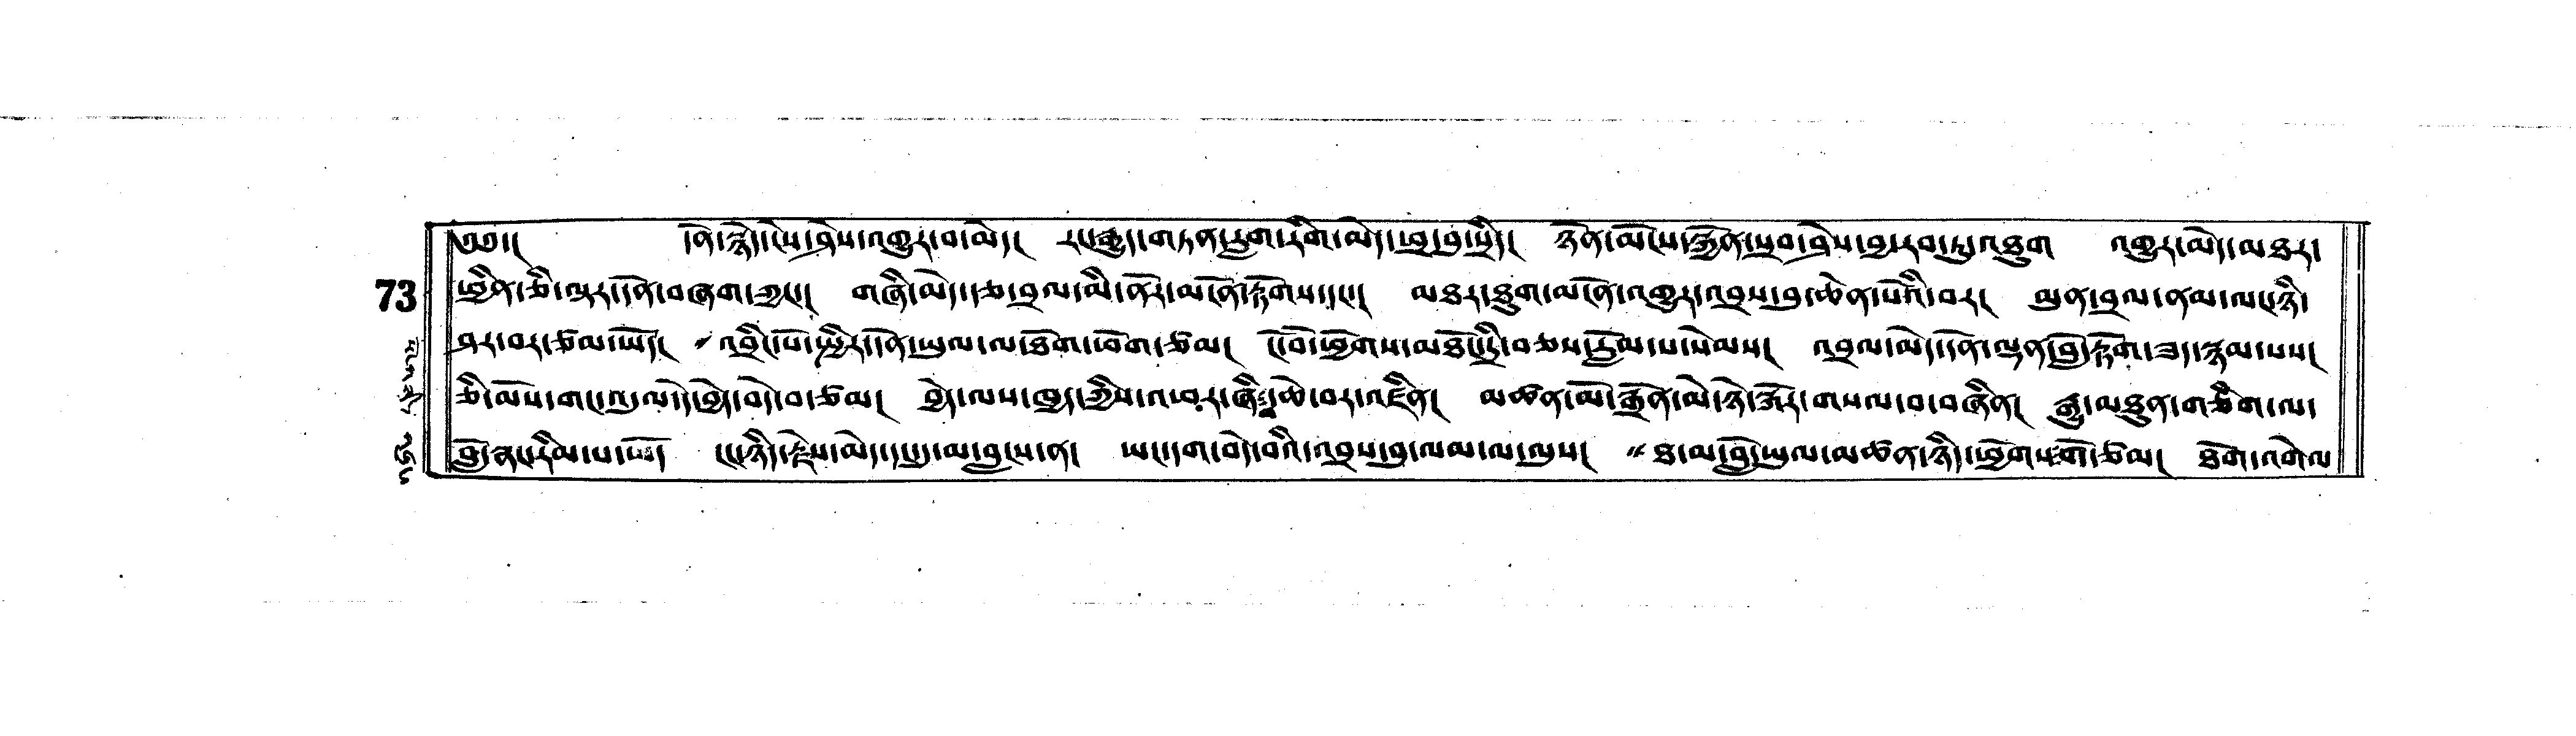དོན་རྙེད་ངེས་ཤེས་འགྱུར་བ་མེད། རང་རྒྱུད་གཏན་བརླག་རིག་མེད་ཕྲ་བུ་སྲིད། ཉོན་མོངས་སྐྱོན་སྲབ་ཤེས་བྱ་རབ་ཏུ་མཐུག འགྱུར་མེད་མཐར་
ཕྱིན་ཅི་ལྟར་དོན་བཞག་ཀྱང་། གཞི་མེད་རྩ་བྲལ་མི་ནོར་མངོན་རྟོགས་དང་། མཐར་ཐུག་མངོན་གྱུར་འབྲས་བུ་ཆེན་པོིའི་བར། མུན་བྲལ་ནམ་ལངས་ཉི་
ཤར་བར་ཙམ་ཡོད། འབྲིང་པོ་སྤྱི་དོན་ཡུལ་ལ་ཐོག་ཕོག་ཙམ། ངོ་བོ་ཕྱོགས་མཐོང་དྲི་བཅས་རློམ་པ་སེམས། འབྲལ་མེད་དོན་ལྡན་བློ་རྟོག་ཟད་སྙམ་པས། 
ཅི་མོས་གང་འདུལ་དེ་བྱེད་བདེ་བ་ཙམ། བྱེད་ལས་ཁྱད་ཀྱིས་འཕར་ཞིང་ཆེ་བར་འཛིན། མཚན་མོ་སྒྲོན་མེ་ཉེ་སྐོར་གསལ་བ་བཞིན། རྒྱུ་མཐུན་གཅིག་ལ་
བློ་སྣང་རིམ་པ་ཡོད། ངང་ཉིད་རྗེས་མེད་དོན་དུ་མ་བླང་ན། ཡང་དག་བདེ་བའི་འབྲས་བུ་ལམ་ལ་ལུས། ཐ་མ་བློ་ཡུལ་མཚན་ཉིད་ཕྱོགས་གོ་ཙམ། ཐོག་འགེལ་